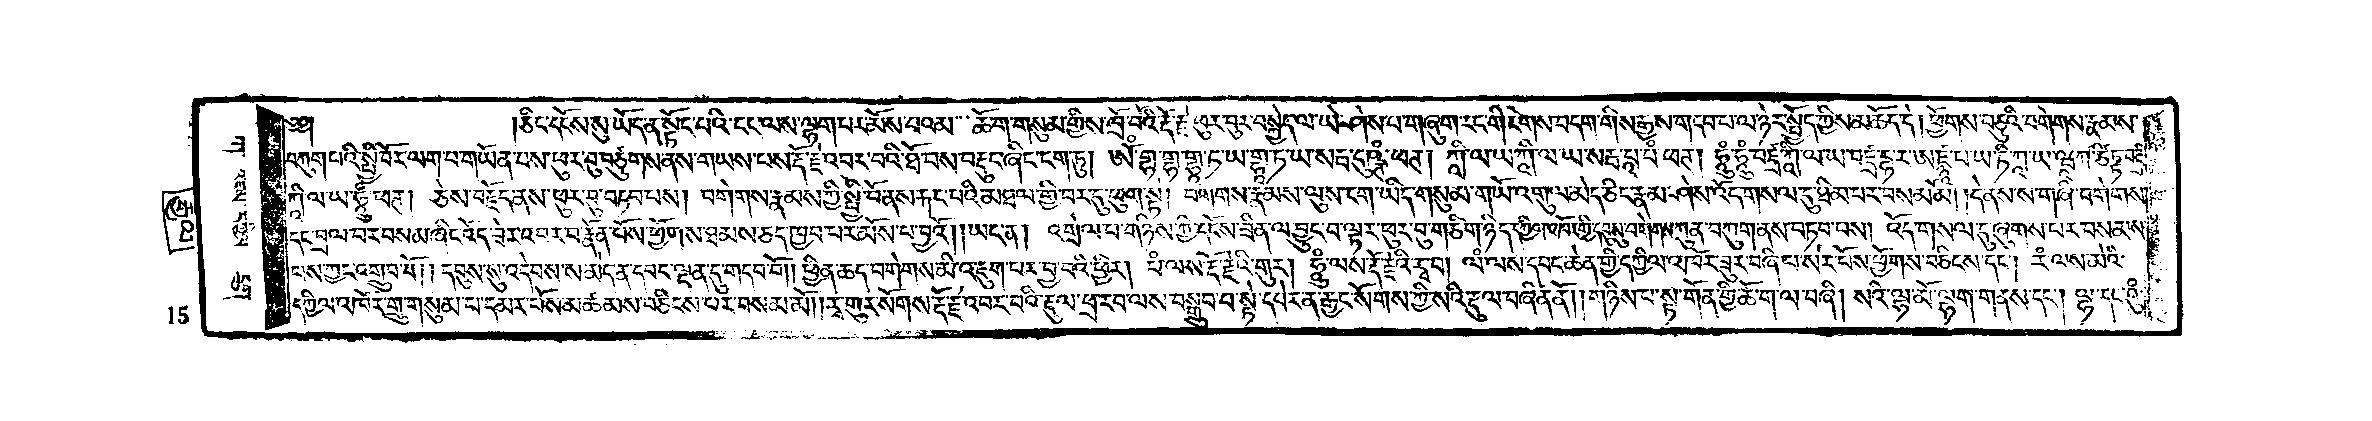༄༅། །ཅིང་དངོས་སུ་ཡོད་ན་སྟོང་པའི་ངང་ལས་ལྷག་པར་མོས་པའམ་ཆོ་ག་གསུམ་གྱིས་ཁྲོ་བོའི་རྡོ་རྗེ་ཕུར་བུར་བསྐྱེད་ལ་ཡེ་ཤེས་པ་གཞུག་རང་གི་རིགས?་བདག་གིས་རྒྱས་གདབ་པ་ལ་ཉེར་སྤྱོད་ཀྱིས་མཆོད་དེ། ཕྱོགས་བཅུའི་བགེགས་རྣམས་
བཀུག་པའི་སྤྱི་བོར་ལག་པ་གཡོན་པས་ཕུར་བུ་བཙུགས་ནས་གཡས་པས་རྡོ་རྗེ་འབར་བའི་ཐོ་བས་བརྡུང་ཞིང་ངག་ཏུ། ཨོཾ་གྷ་གྷ་གྷཱ་ཏ་ཡ་གྷཱ་ཏ་ཡ་སརྦ་དུ་ཥཾཊ་ཕཊ། ཀཱི་ལ་ཡ་ཀཱི་ལ་ཡ་སརྦ་པཱ་པཾ་ཕཊ། ཧཱུཾ་ཧཱུཾ་བྫྲ་ཀཱི་ལ་ཡ་བྫྲ་དྷ་ར་ཨ་ཛྙཱ་པ་ཡ་ཏི་ཀླ་ཡ་ཝཱ་ཀ་ཙིཏྟ་བཛྲ་
ཀཱི་ལ་ཡ་ཧཱུཾ་ཕཊ། ཅེས་བརྗོད་ནས་ཕུར་བུ་བཏབ་པས། བགེགས་རྣམས་ཀྱི་སྤྱི་བོ་ནས་རྐང་པའི་མཐལ་གྱི་བར་དུ་ཕུག་སྟེ། བགེགས་རྣམས་ལུས་ངག་ཡིད་གསུམ་གཡོ་འགུལ་མེད་ཅིང་རྣམ་ཤེས་འོད་གསལ་དུ་ཐིམ་པར་བསམ་མོ། །དེ་ནས་ས་གཞི་བགེགས་
དང་བྲལ་བར་བསམ་ཞིང་འོད་ཟེར་འབར་བ་རྣོན་པོས་ཕྱོགས་ཐམས་ཅད་ཁྱབ་པར་མོས་པ་བྱའོ། །ཡང་ན། འགྲེལ་པ་གཉིས་ཀྱི་དངོས་ཟིན་ལ་བྱུང་བ་ལྟར་ཕུར་བུ་གཅིག་ཉིད་དཀྱིལ་འཁོར་གྱི་དབུས་སུ་བགེགས་ཀུན་བཀུག་ནས་བཏབ་པས། འོད་གསལ་དུ་ཞུགས་པར་བསམས་
པས་ཀྱང་འགྲུབ་བོ། །དབུས་སུ་འདེབས་ས་མེད་ན་དབང་ལྡན་དུ་གདབ་བོ། །ཕྱིན་ཆད་བགེགས་མི་འཇུག་པར་བྱ་བའི་ཕྱིར། པཾ་ལས་རྡོ་རྗེའི་གུར། ཧཱུཾ་ལས་རྡོ་རྗེའི་རྭ་བ། ལཾ་ལས་དབང་ཆེན་གྱི་དཀྱིལ་འཁོར་ཟུར་བཞི་པ་སེར་པོས་ཕྱོགས་བཅིངས་དང་། རཾ་ལས་མེའི་
དཀྱིལ་འཁོར་གྲུ་གསུམ་པ་དམར་པོས་མཚམས་བཅིངས་པར་བསམ་མོ། །རྭ་གུར་སོགས་རྡོ་རྗེ་འབར་བའི་རྡུལ་ཕྲ་རབ་ལས་བསྒྲུབ་པ་སྟེ་དཔེར་ན་རྒྱང་སོགས་ཀྱི་སའི་རྡུལ་བཞིན་ནོ། །གཉིས་པ་སྟ་གོན་གྱི་ཆོ་ག་ལ་བཞི། སའི་ལྷ་མོ་ལྷག་གནས་དང་། ལྷ་དང་བུཾ་